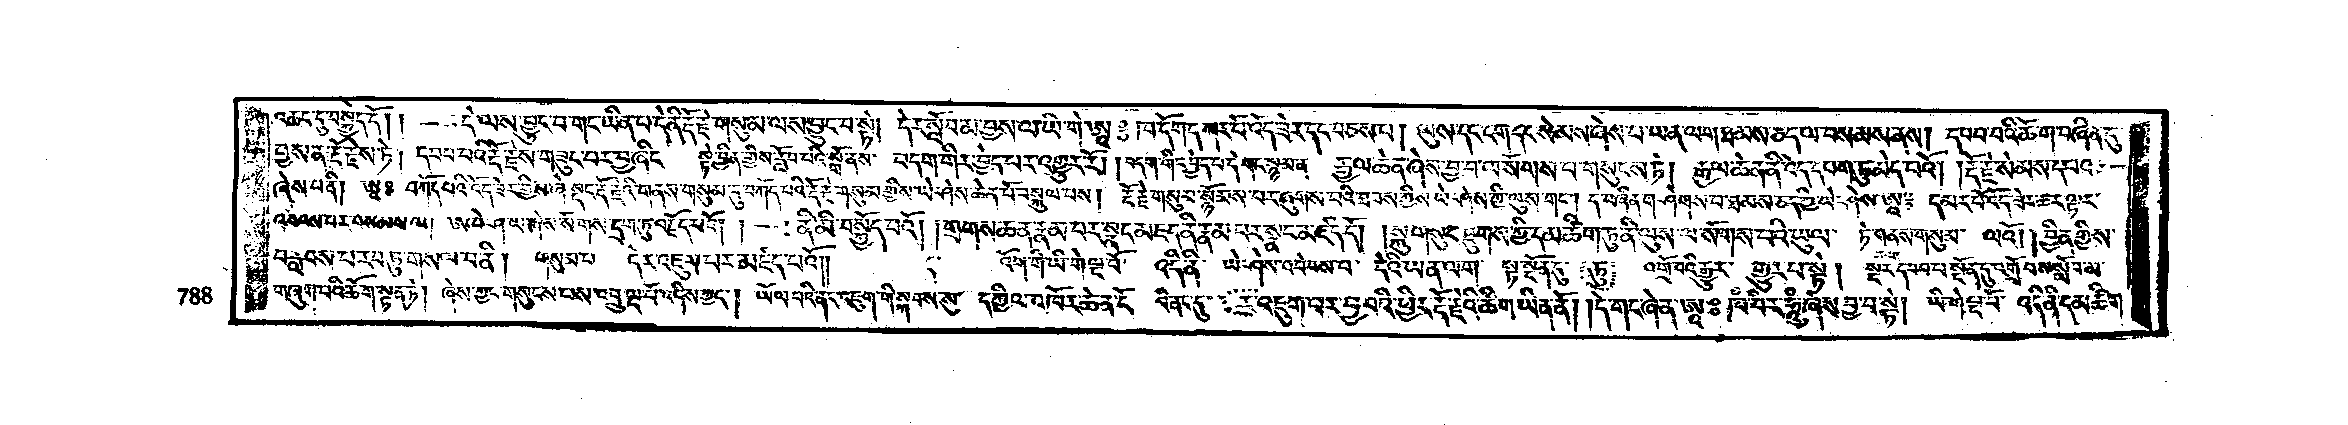འཆང་དུ་བསྐྱེད་དོ།། .H དེ་ལས་བྱུང་བ་གང་ཡིན་པ་དེ་ནི་རྡོ་རྗེ་གསུམ་ལས་བྱུང་བ་སྟེ། དེར་སློབ་མ་བྱས་ལ་ཡི་གེ་ཨཱཿ ཁ་དོག་དཀར་པོ་འོད་ཟེར་དང་བཅས་པ། ལུས་དང་ངག་དང་སེམས་ཞེས་པ་ཡན་ལག་ཐམས་ཅད་ལ་བསམས་ནས། དབབ་པའི་ཆོ་ག་བཞིན་དུ་
བྱས་ན་རྡོ་རྗེས་ཏེ། དབབ་པའི་རྡོ་རྗེས་གཟུང་བར་བྱ་ཞིང་སྟེ་བྱིན་གྱིས་རློབ་པའི་སྒོ་ནས་བདག་གིར་བྱེད་པར་འགྱུར་རོ། ། བདག་གིར་བྱེད་པ་དེ་གང་སྙམ་ན་རྒྱལ་ཆེན་ཞེས་བྱ་བ་ལ་སོགས་པ་གསུངས་ཏེ། རྒྱལ་ཆེན་ནི་འོད་དཔག་ཏུ་མེད་པའོ། །རྡོ་རྗེ་སེམས་དཔའ་H.
ཞེས་པ་ནི། ཨཱཿ བཀོད་པའི་འོད་ཟེར་གྱིས་ཞེ་སྡང་རྡོ་རྗེའི་གནས་གསུམ་དུ་བཀོད་པའི་རྡོ་རྗེ་གསུམ་གྱིས་ཡེ་ཤེས་ཆེན་པོ་བསྐུལ་པས། རྡོ་རྗེ་གསུམ་སྙོམས་པར་ཞུགས་པའི་ཐབས་ཀྱིས་ཡེ་ཤེས་ཀྱི་ལུས་གང་། དེ་བཞིན་གཤེགས་པ་ཐམས་ཅད་ཀྱི་ཡེ་ཤེས་ཨཱཿ དམར་པོ་འོད་ཟེར་ཆར་ལྟར་
འབེབས་པར་བསམས་ལ། ཨ་བེ་ཤ་ཡ་ཞེས་སོགས་དྲག་ཏུ་བརྗོད་པའོ།། .H ནི་མི་བསྐྱོད་པའོ། །གྲགས་ཆེན་རྣམ་པར་སྣང་མཛད་ནི་རྣམ་པར་སྣང་མཛད་དོ། །སྐུ་གསུང་ཐུགས་ཀྱི་དམ་ཚིག་ཏུ་ནི་ལུས་ལ་སོགས་པའི་ཡུལ་ཏེ་གནས་གསུམ་ལའོ། །བྱིན་གྱིས་
བརློབས་པ་རབ་ཏུ་གསལ་བ་ནི། གསུམ་པ་དེར་འཇུག་པར་མཛད་པའོ།། ༈ འོག་གི་ཡི་གེ་ལྔ་པོ་འདི་ནི་ཡེ་ཤེས་འབེབས་པ་དེའི་ཡན་ལག་སྟ་སྔོན་དུ་ཏུ་འགྲོ་བའི་རྒྱུར་གྱུར་པ་སྟེ། ཆག་སྔར་དབབ་པ་སྔོན་དུ་འགྲོ་བས་སློབ་མ་
གཞུག་པའི་ཆོ་ག་སྟན་ཏེ། ཞེས་ཀྱང་གསུངས་པས་འབྲུ་ལ་པོ་འདིས་ཀྱང་། ཡོལ་པའི་ནང་འཇུག་གི་སྐབས་སུ་དཀྱིལ་འཁོར་ཆེན་པོ་འི་ནང་དུ་ར་འཇུག་པར་བྱ་བའི་ཕྱིར་རྡོ་རྗེའི་ཚིག་ཡིན་ནོ། །དེ་གང་ཞེ་ན་ཨཱཿ ཁཾ་བིར་ཧཱུཾ་ཞེས་བྱ་བ་སྟེ། ཡི་གེ་ལྔ་པོ་འདི་ནི་དམ་ཚིག།